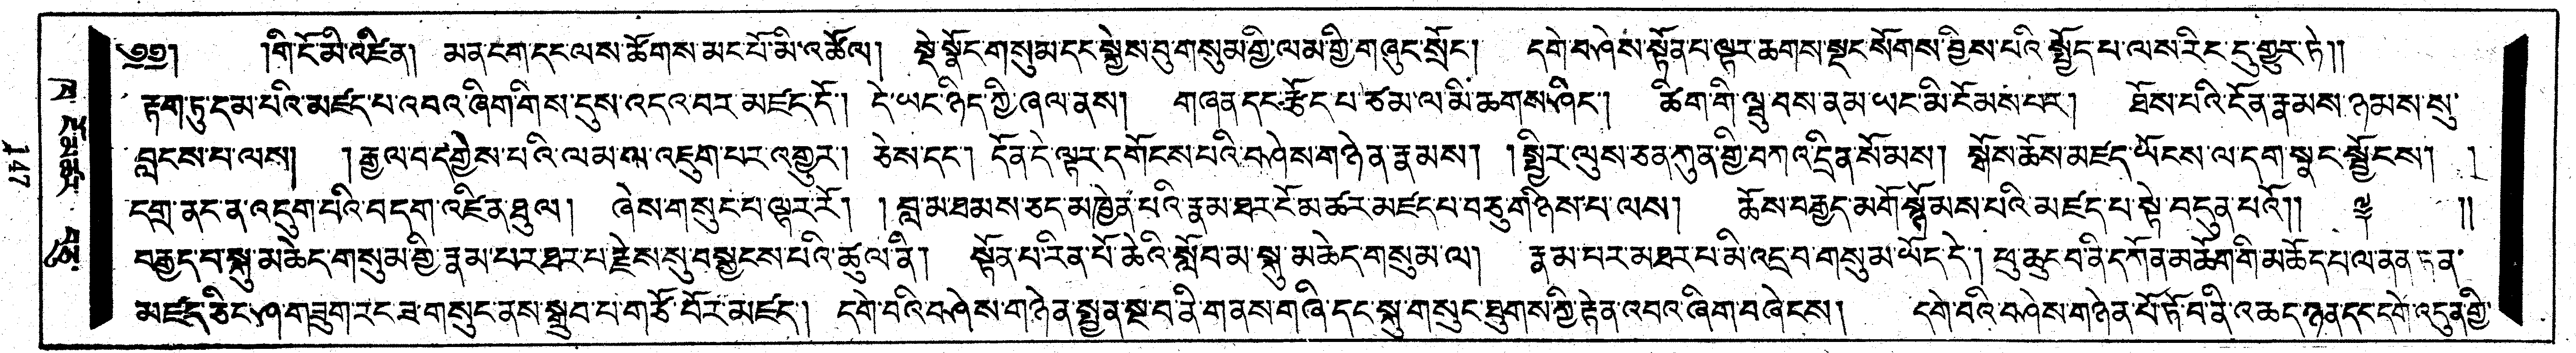༄༅། །གི་ངོ་མི་འཛིན། མན་ངག་དང་ལས་ཚོགས་མང་པོ་མི་འཚོལ། སྡེ་སྣོད་གསུམ་དང་སྐྱེས་བུ་གསུམ་གྱི་ལམ་གྱི་གཞུང་སྲོང་། དགེ་བཤེས་སྟོན་པ་ལྟར་ཆགས་སྡང་སོགས་བྱིས་པའི་སྤྱོད་པ་ལས་རིང་དུ་གྱུར་ཏེ།།
རྟག་ཏུ་དམ་པའི་མཛད་པ་འབའ་ཞིག་གིས་དུས་འདའ་བར་མཛད་དོ། དེ་ཡང་ཉིད་ཀྱི་ཞལ་ནས། གཞན་དང་རྩོད་པ་ཙམ་ལ་མི་ཆགས་ཤིང་། ཚིག་གི་ལྦུ་བས་ནམ་ཡང་མི་ངོམས་པར། ཐོས་པའི་དོན་རྣམས་ཉམས་སུ་
བླངས་པ་ལས། །རྒྱལ་བ་དགྱེས་པའི་ལམ་ལ་འཇུག་པར་འགྱུར། ཅེས་དང་། དོན་དེ་ལྟར་དགོངས་པའི་བཤེས་གཉེན་རྣམས། །སྤྱིར་ལུས་ཅན་ཀུན་གྱི་བཀའ་དྲིན་སོམས། སྒོས་ཆོས་མཛད་ཡོངས་ལ་དག་སྣང་སྦྱོངས། །
དགྲ་ནང་ན་འདུག་པའི་བདག་འཛིན་ཐུལ། ཞེས་གསུང་པ་ལྟར་རོ། །བླ་མ་ཐམས་ཅད་མཁྱེན་པའི་རྣམ་ཐར་ངོ་མཚར་མཛད་པ་བཅུ་གཉིས་པ་ལས། ཆོས་བརྒྱད་མགོ་སྙོམས་པའི་མཛད་པ་སྟེ་བདུན་པའོ།། ༈ །།
བརྒྱད་པ་སྐུ་མཆེད་གསུམ་གྱི་རྣམ་པར་ཐར་པ་རྗེས་སུ་བསྐྱངས་པའི་ཚུལ་ནི། སྟོན་པ་རིན་པོ་ཆེའི་སློབ་མ་སྐུ་མཆེད་གསུམ་ལ། རྣམ་པར་མཐར་པ་མི་འདྲ་བ་གསུམ་ཡོད་དེ། ཕུ་ཆུང་བ་ནི་དཀོན་མཆོག་གི་མཆོད་པ་ལ་ནན་ཏན་
མཛད་ཅིང་ཤ་གཟུག་རང་ཟ་གསུང་ནས་སྒྲུབ་པ་གཙོ་བོར་མཛད། དགེ་བའི་བཤེས་གཉེན་སྤྱན་སྔ་བ་ནི་གནས་གཞི་དང་སྐུ་གསུང་ཐུགས་ཀྱི་རྟེན་འབའ་ཞིག་བཞེངས། དགེ་བའི་བཤེས་གཉེན་པོ་ཏོ་བ་ནི་འཆད་ཉན་དང་དགེ་འདུན་གྱི་